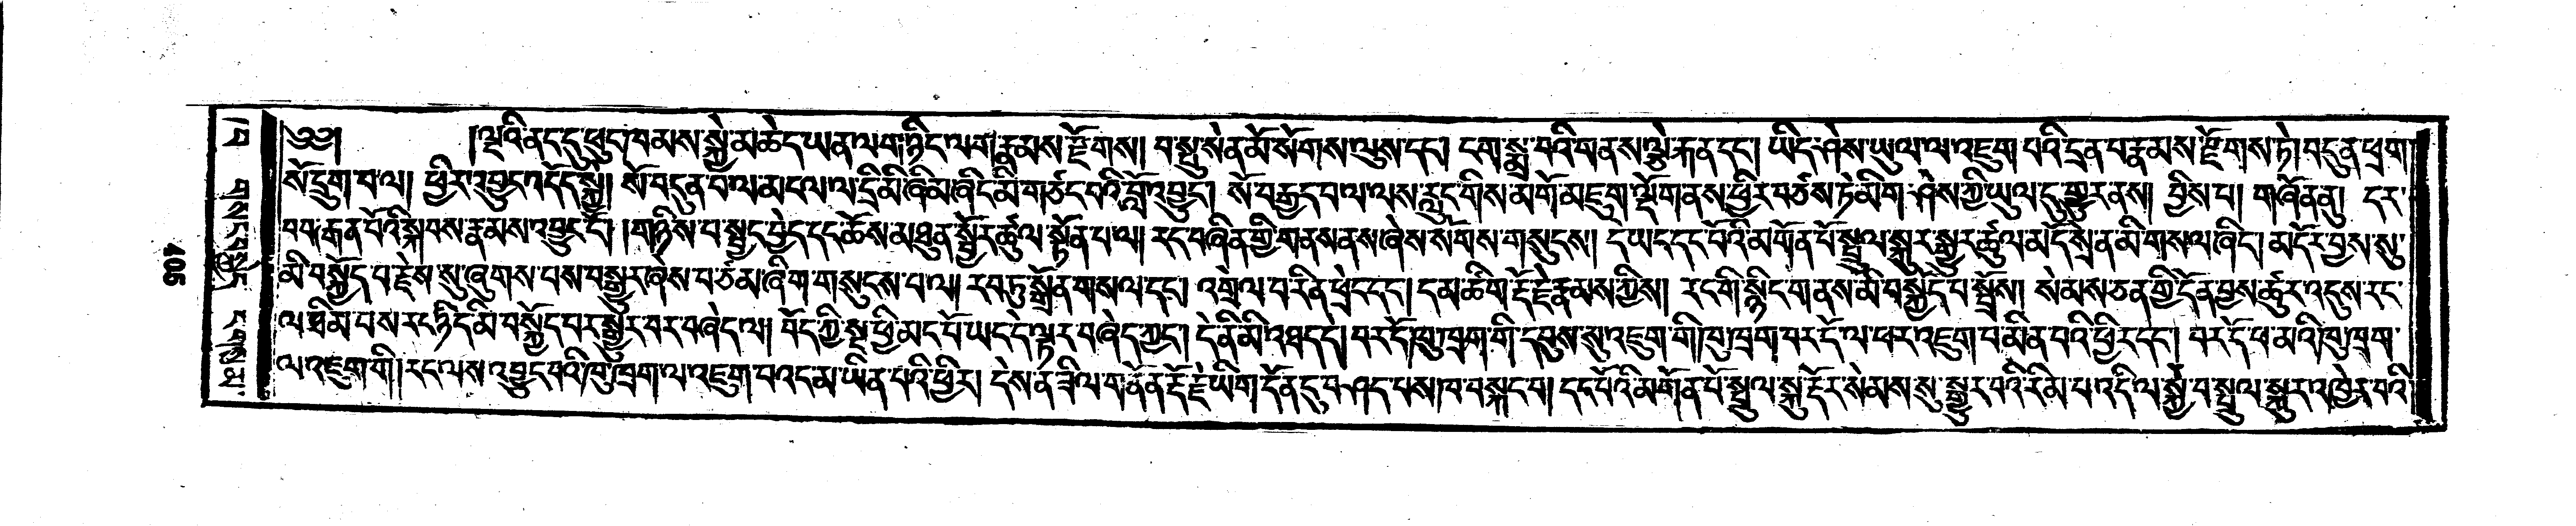༄༅། །ལྔའི་ནང་དུ་ཕུང་ཁམས་སྐྱེ་མཆེད་ཡན་ལག་ཉིད་ལག་རྣམས་རྫོགས། བ་སྤུ་སེན་མོ་སོགས་ལུས་དང་། ངག་སྨྲ་བའི་གནས་ལྕེ་རྐན་དང་། ཡིད་ཤེས་ཡུལ་ལ་འཇུག་པའི་དྲན་པ་རྣམས་རྫོགས་ཏེ། བདུན་ཕྲག་
སོ་དྲུག་པ་ལ། ཕྱིར་འབྱུང་འདོད་སྐྱེ། སོ་བདུན་བ་ལ་མངལ་ལ་དྲི་མི་ཞིམ་ཞིང་མི་གཙང་བའི་བློ་འབྱུང་། སོ་བརྒྱད་པ་ལ་ལས་རླུང་གིས་མགོ་མཇུག་ལྡོག་ནས་ཕྱིར་བཅས་ཏེ་མིག་ཤེས་ཀྱི་ཡུལ་དུ་གྱུར་ནས། བྱིས་པ། གཞོན་ནུ། དར་
བབ། རྒན་པོའི་སྐབས་རྣམས་འབྱུང་ངོ། །གཉིས་བ་སྦྱང་བྱེད་དང་ཆོས་མཐུན་སྦྱོར་ཚུལ་སྟོན་པ་ལ། རང་བཞིན་གྱི་གནས་ནས་ཞེས་སོགས་གསུངས། དེ་ཡང་དང་པོའི་མགོན་པོ་སྤྲུལ་སྐུར་སྒྱུར་ཚུལ་མདོ་སྲ་ན་མི་གསལ་ཞིང་། མདོར་བྱས་སུ་
མི་བསྐྱོད་པ་རྗེས་སུ་ཞུགས་པས་བསྒྱུར་ཞེས་བ་ཙམ་ཞིག་གསུངས་པ་ལ། རབ་ཏུ་སྒྲོན་གསལ་དང་། འགྲེལ་བ་རིན་ཕྲེང་དང་། དམ་ཚིག་རྡོ་རྗེ་རྣམས་ཀྱིས། རང་གི་སྙིང་ག་ནས་མི་བསྐྱོད་པ་སྤྲོས། སེམས་ཅན་གྱི་དོན་བྱས་ཚུར་འདུས་རང་
ལ་ཐིམ་པས་རང་ཉིད་མི་བསྐྱོད་པར་སྒྱུར་བར་བཞེད་ལ། བོད་ཀྱི་སྔ་ཕྱི་མང་པོ་ཡང་དེ་ལྟར་བཞེད་ཀྱང་། དེ་ནི་མི་འཐད་དེ། བར་དོ་ཁུ་ཁྲག་གི་དབུས་སུ་འཇུག་གི་ཁུ་ཁྲག་བར་དོ་ལ་ཕར་འཇུག་པ་མིན་པའི་ཕྱིར་དང་། བར་དོ་ཕ་མའི་ཁུ་ཁྲག་
ལ་འཇུག་གི །རང་ལས་འབྱུང་བའི་ཁུ་ཁྲག་ལ་འཇུག་པའང་མ་ཡིན་པའི་ཕྱིར། དེས་ན་ཟིལ་གནོན་རྡོ་རྗེ་ཡིག་དོན་དུ་བཤད་པས་ཁ་བསྐང་བ། དང་པོའི་མགོན་པོ་སྤྲུལ་སྐུ་རྡོར་སེམས་སུ་སྒྱུར་བའི་རིམ་པ་འདི་ལ་སྐྱེ་བ་སྤྲུལ་སྐུར་འཁྱེར་བའི་